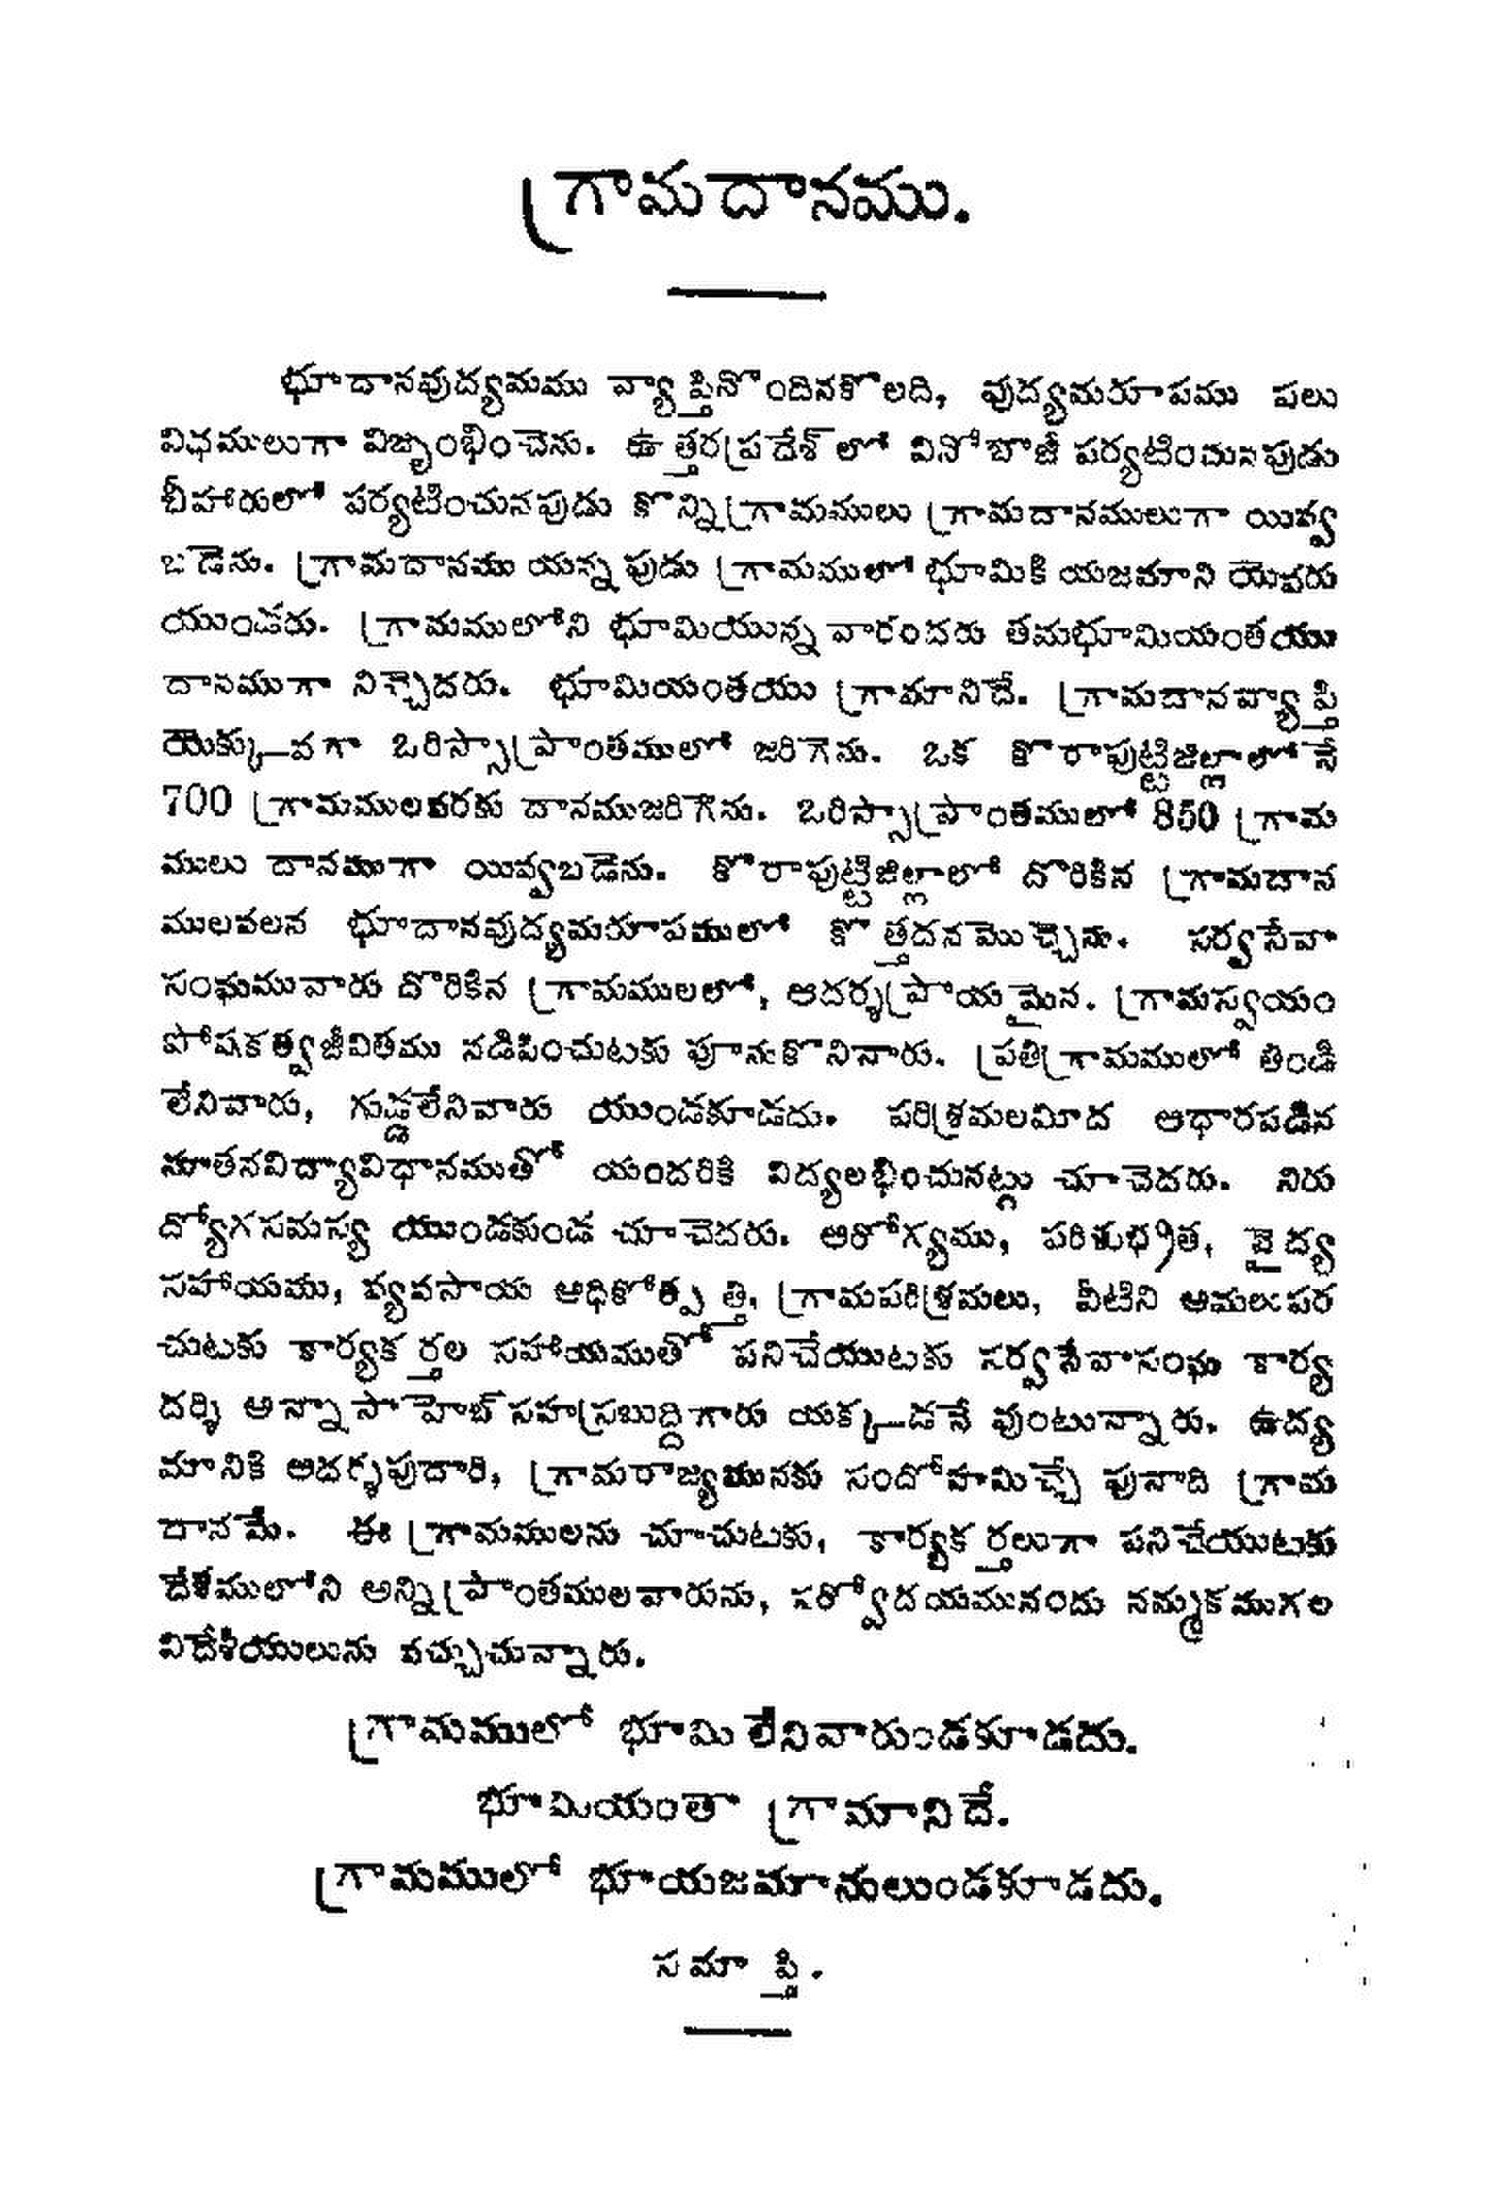గ్రామదానము.

భూదానవుద్యమము వ్యాప్తినొందినకొలది, వుద్యమరూపము పలువిధములుగా విజృంభించెను. ఉత్తరప్రదేశ్ లో వినోబాజీ పర్యటించునపుడు బీహారులో పర్యటించునపుడు కొన్నిగ్రామములు గ్రామదానములుగా యివ్వబడెను. గ్రామదానము యన్నపుడు గ్రామములో భూమికి యజమాని యెవరు యుండరు. గ్రామములోని భూమియున్న వారందరు తమభూమియంతయు దానముగా నిచ్చెదరు. భూమియంతయు గ్రామానిదే. గ్రామదానవ్యాప్తి యెక్కువగా ఒరిస్సాప్రాంతములో జరిగెను. ఒక కొరాపుట్టిజిల్లాలోనే 700 గ్రామములవరకు దానముజరిగెను. ఒరిస్సా ప్రాంతములో 850 గ్రామములు దానముగా యివ్వబడెను. కొరాపుట్టిజిల్లాలో దొరికిన గ్రామదానములవలన భూదానవుద్యమరూపములో కొత్తదనమొచ్చెను. సర్వసేవా సంమమువారు దొరికిన గ్రామములలో, ఆదర్శప్రాయమైన. గ్రామస్వయంపోషకత్వ జీవితము నడిపించుటకు పూనుకొనినారు. ప్రతిగ్రామములో తిండిలేనివారు, గుడ్డలేనివారు యుండకూడదు. పరిశ్రమలమీద ఆధారపడిన నూతనవిద్యావిధానముతో యందరికి విద్యలభించునట్గు చూచెదరు. నిరుద్యోగసమస్య యుండకుండ చూచెదరు. ఆరోగ్యము, పరిశుభ్రత, వైద్యసహాయము, వ్యవసాయ అధికోత్పత్తి, గ్రామపరిశ్రమలు, వీటిని అమలుపరచుటకు కార్యకర్తల సహాయముతో పనిచేయుటకు సర్వసేవాసంఘ కార్యదర్శి అన్నాసాహెబ్ సహస్రబుద్దిగారు యక్కడనే వుంటున్నారు. ఉద్యమానికి ఆదర్శపుదారి, గ్రామరాజ్యమునకు సందోహమిచ్చే పునాది గ్రామదానమే. ఈ గ్రామములను చూచుటకు, కార్యకర్తలుగా పనిచేయుటకు దేశములోని అన్నిప్రాంతములవారును, సర్వోదయమునందు నన్ముకముగల విదేశీయులును వచ్చుచున్నారు.

గ్రామములో భూమిలేనివారుండకూడదు.
భూమియంతా గ్రామానిదే. 
గ్రామములో భూయజమానులుండకూడదు.
సమాప్తి.

__________